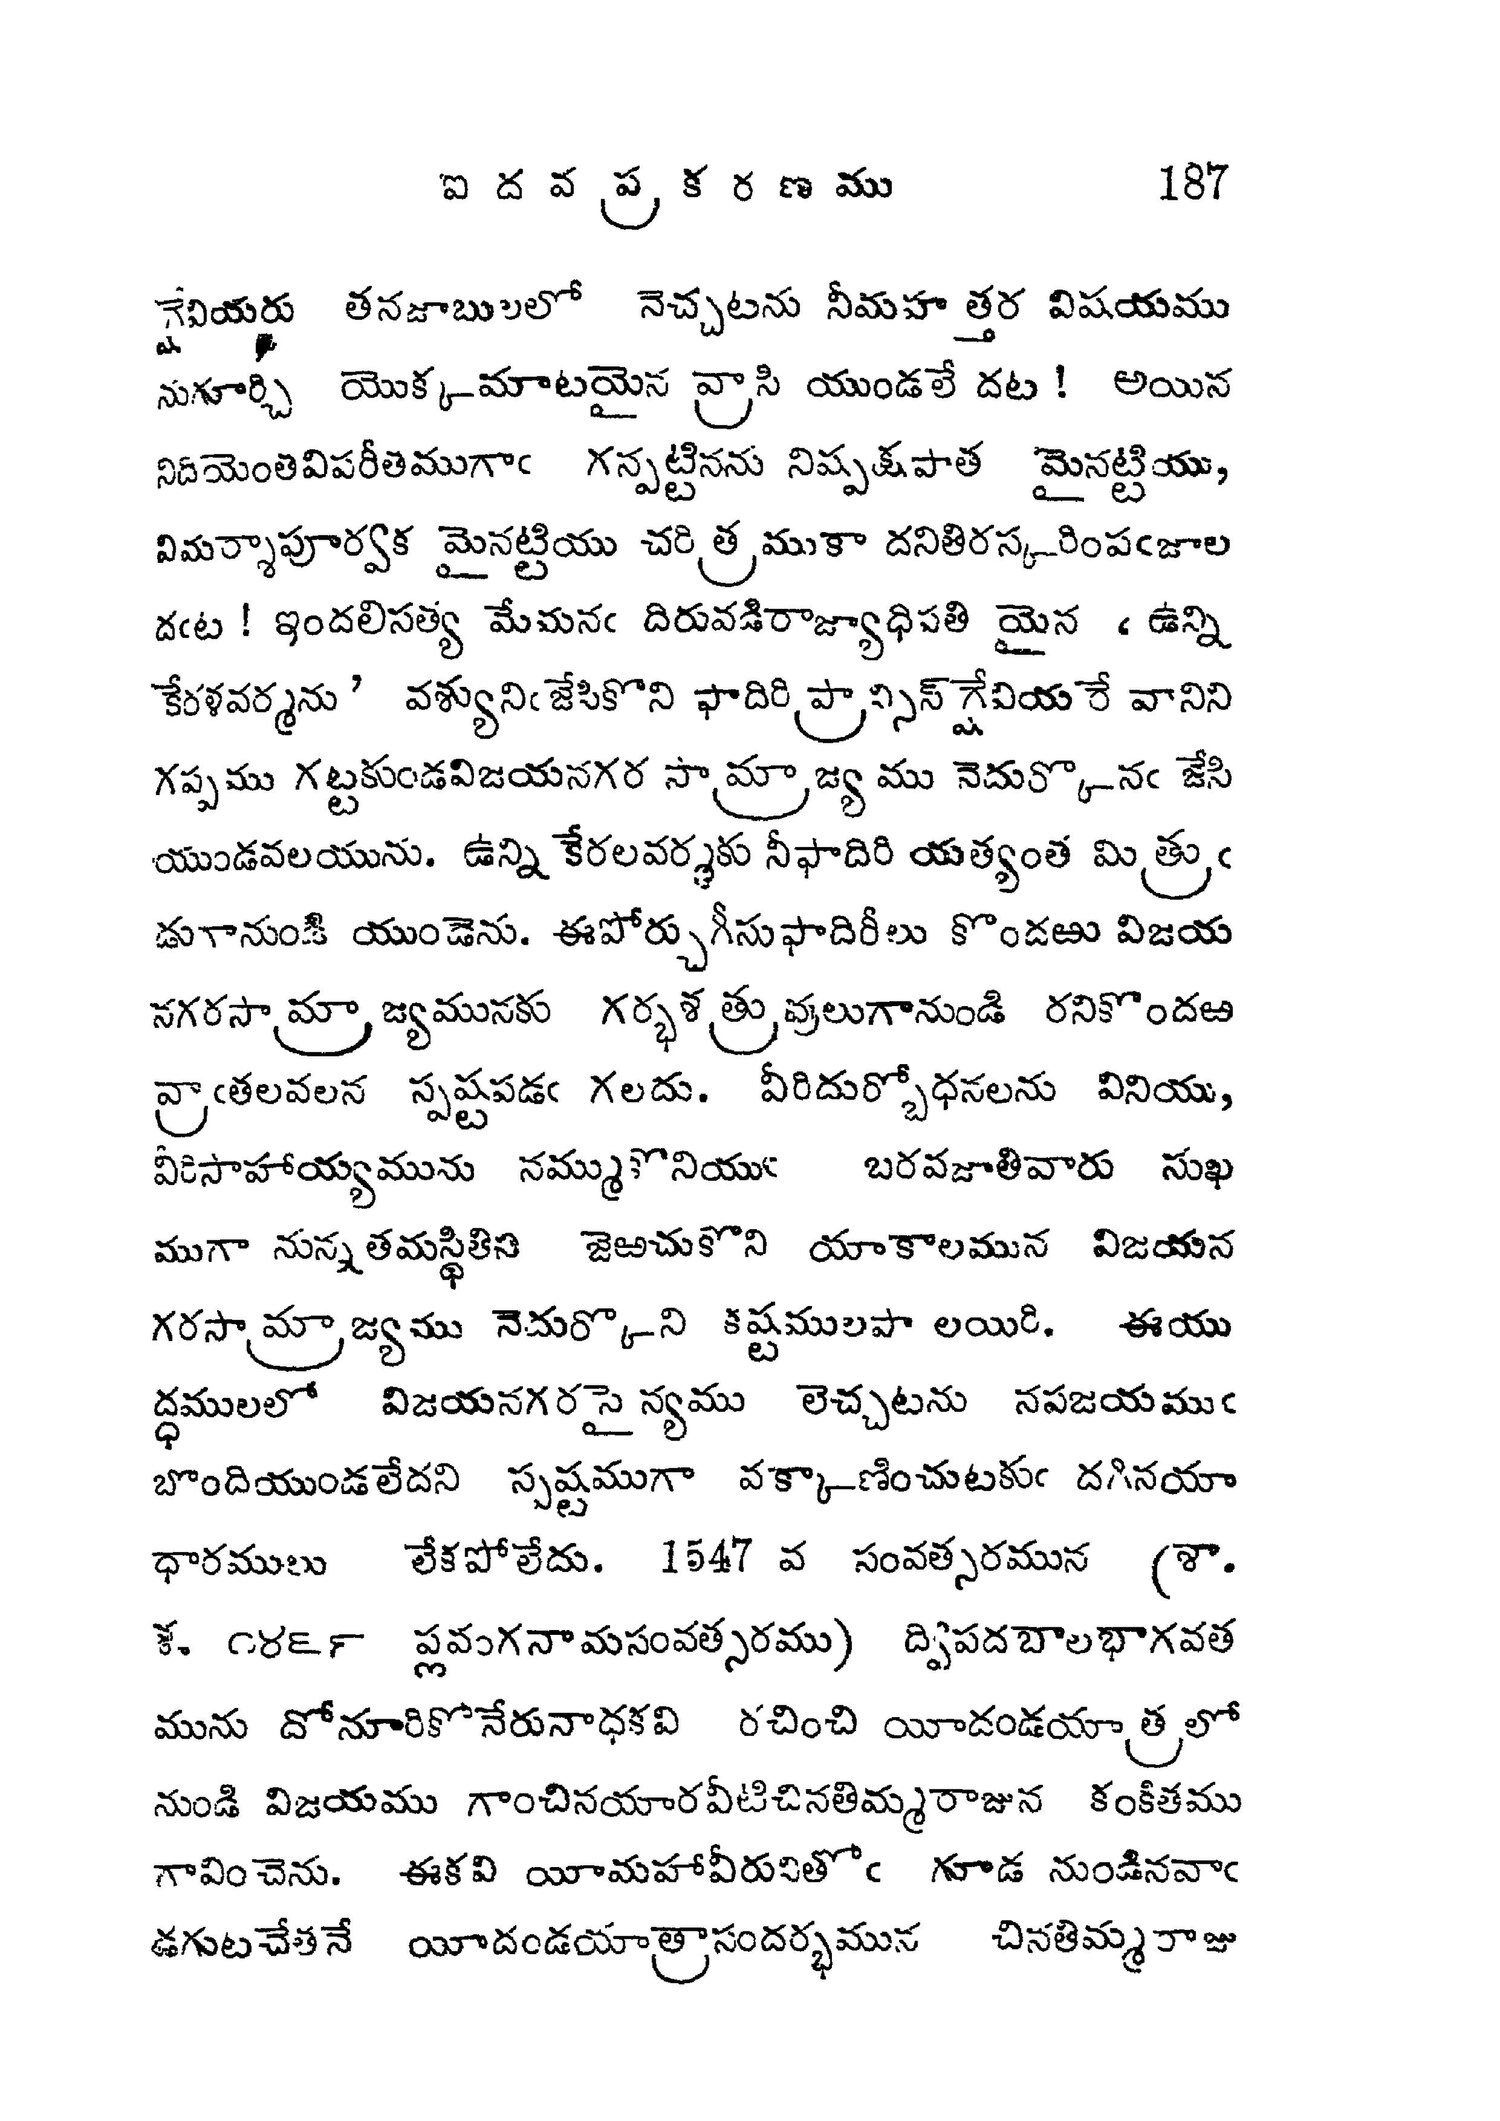గ్షేవియరు తనజాబులలో నెచ్చటను నీమహత్తర విషయమునుగూర్చి యొక్కమాటయైన వ్రాసి యుండలే దట ! అయిన నిదియెంతవిపరీతముగా గన్పట్టినను నిష్పక్షపాత మైనట్టియు, విమర్శాపూర్వక మైనట్టియు చరిత్రముకా దనితిరస్కరింపజాల దట ! ఇందలిసత్య మేమన దిరువడిరాజ్యాధిపతి యైన 'ఉన్నికేరళవర్మను' వశ్యునిజేసికొని ఫాదిరిప్రాన్సిస్‌గ్షేవియరే వానిని గప్పము గట్టకుండ విజయనగర సామ్రాజ్యము నెదుర్కొనజేసి యుండవలయును. ఉన్ని కేరలవర్మకు నీఫాదిరి యత్యంత మిత్రుడుగానుండి యుండెను. ఈపోర్చుగీసుఫాదిరీలు కొందఱు విజయనగరసామ్రాజ్యమునకు గర్భశత్రువులుగానుండి రనికొందఱ వ్రాతలవలన స్పష్టపడ గలదు. వీరిదుర్బోధనలను వినియు, వీరిసాహాయ్యమును నమ్ముకొనియు బరవజాతివారు సుఖముగా నున్నతమస్థితిని జెఱచుకొని యాకాలమున విజయనగరసామ్రాజ్యము నెదుర్కొని కష్టములపా లయిరి. ఈయుద్ధములలో విజయనగరసైన్యము లెచ్చటను నపజయము బొందియుండలేదని స్పష్టముగా వక్కాణించుటకు దగినయాధారములు లేకపోలేదు. 1547 వ సంవత్సరమున (శా. శ. 1469 ప్లవంగనామ సంవత్సరము) ద్విపదబాలభాగవతమును దోనూరికోనేరునాధకవి రచించి యీదండయాత్రలో నుండి విజయము గాంచినయారవీటిచినతిమ్మరాజున కంకితము గావించెను. ఈకవి యీమహావీరునితో గూడ నుండినవాడగుటచేతనే యీదండయాత్రాసందర్భమున చినతిమ్మరాజు